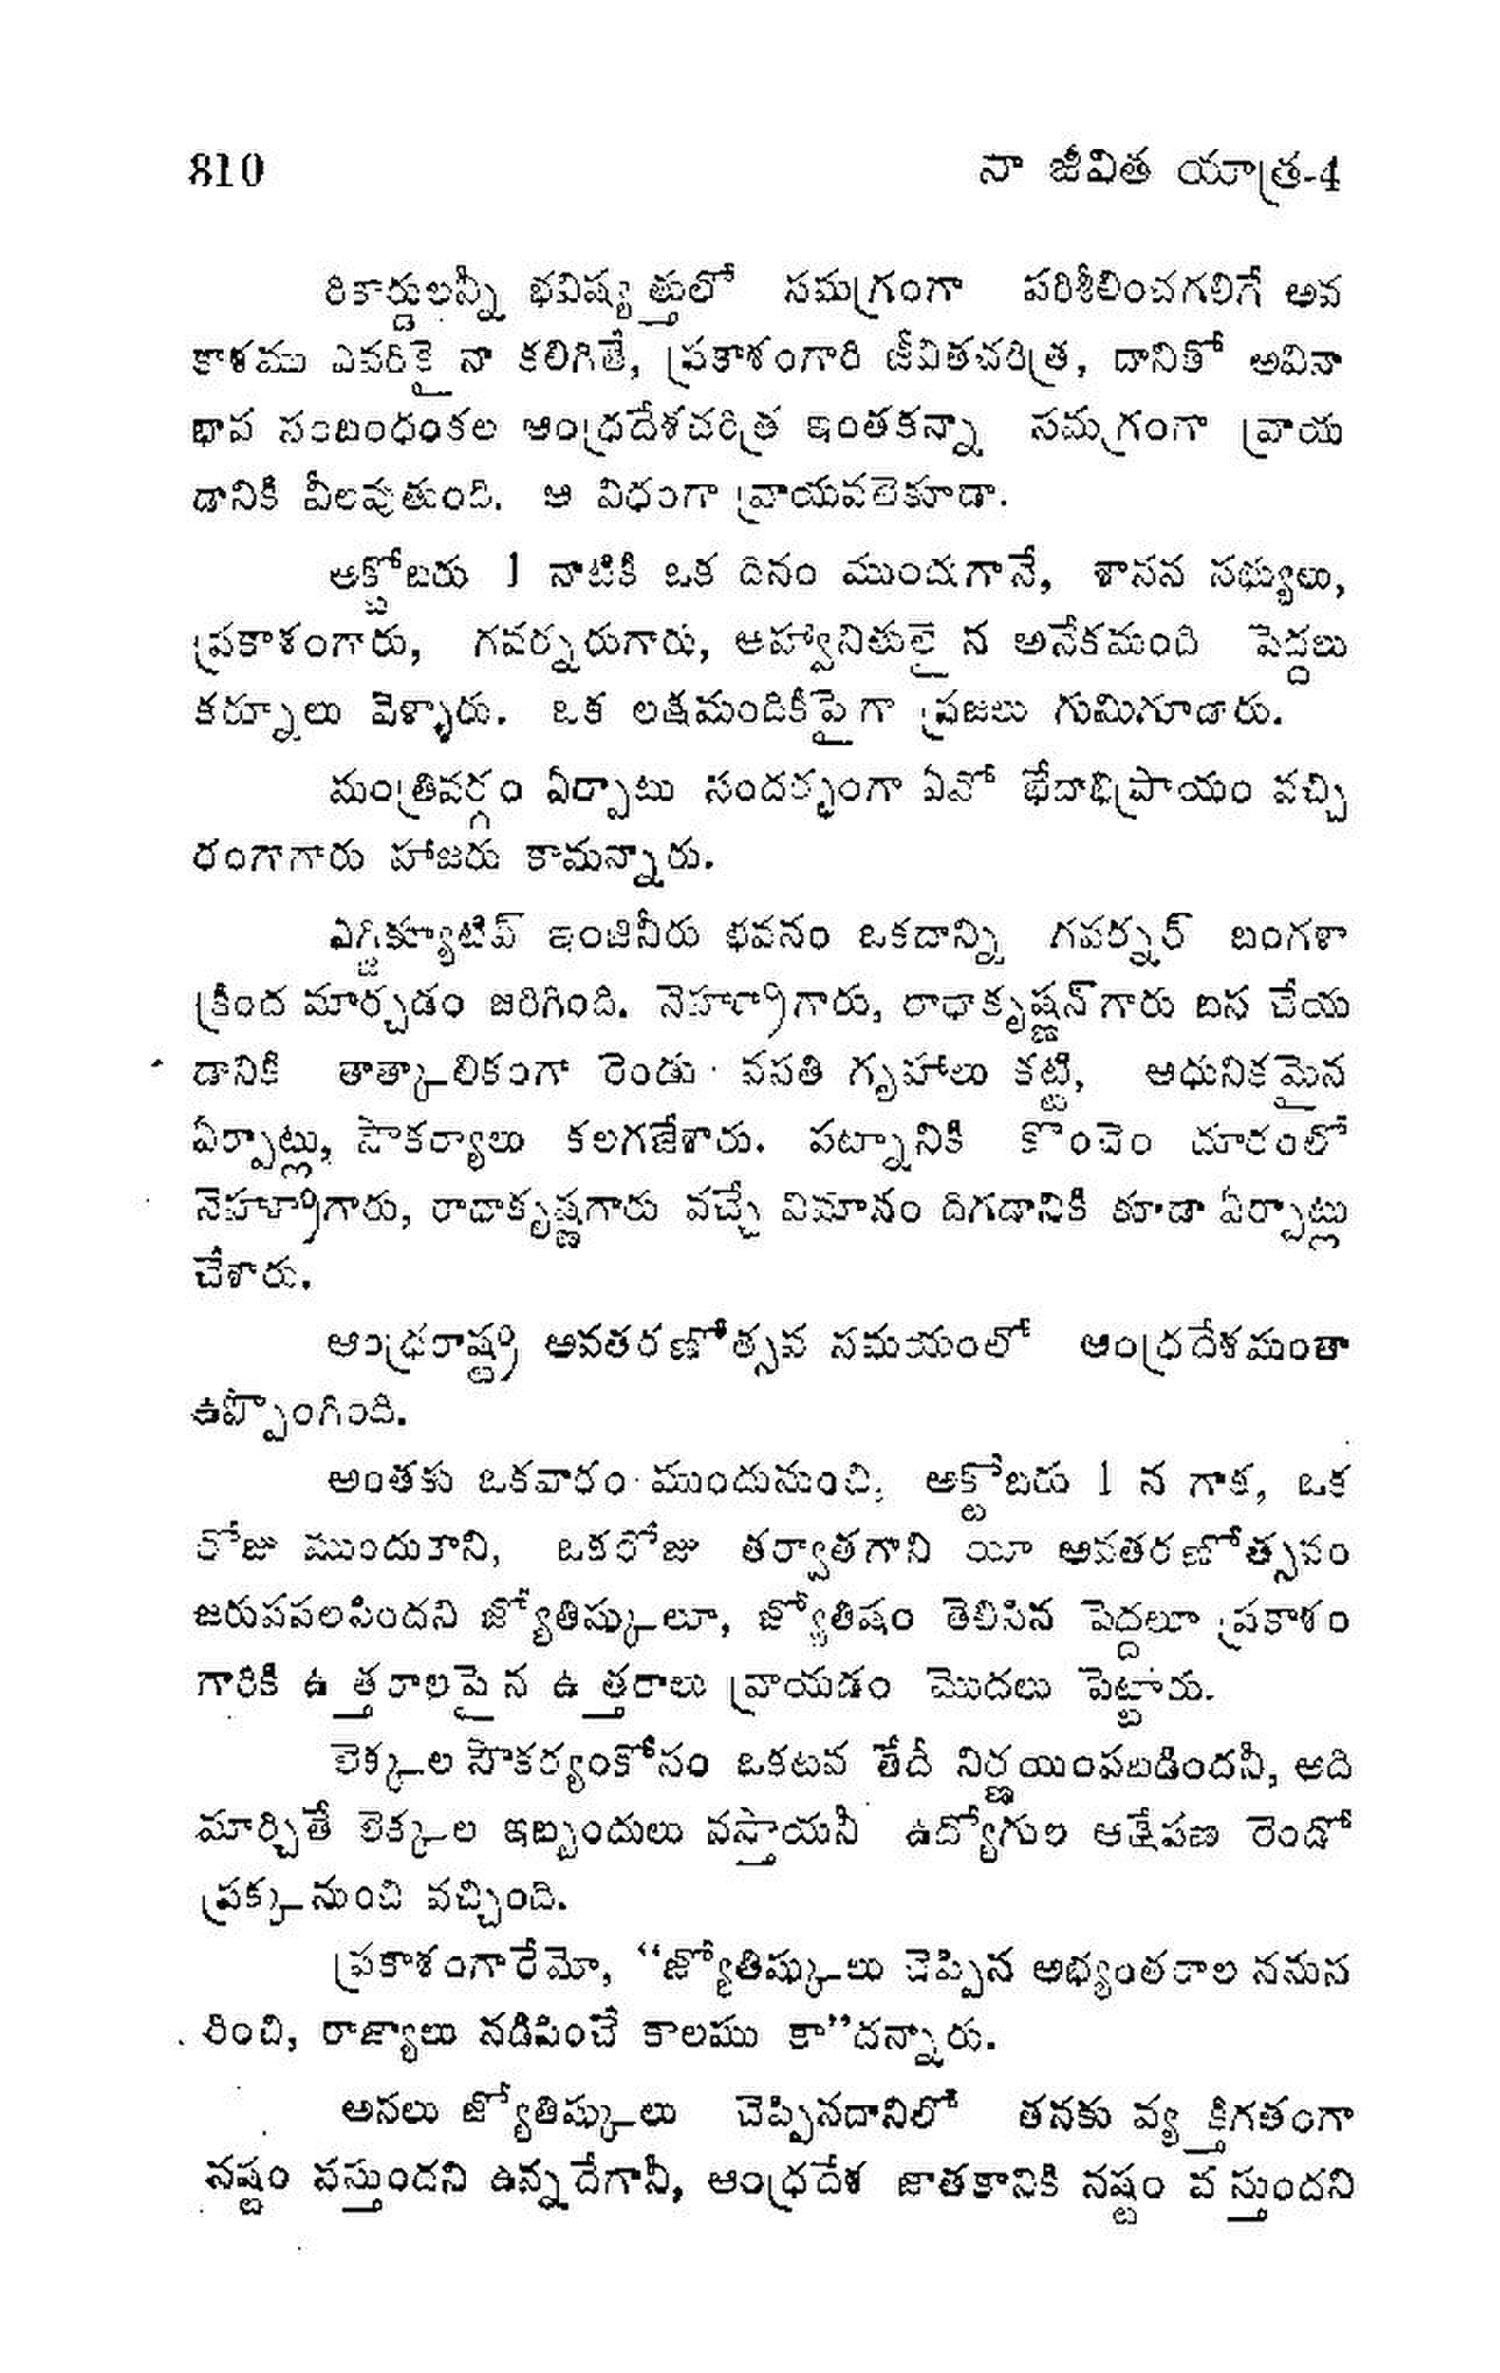రికార్డులన్నీ భవిష్యత్తులో సమగ్రంగా పరిశీలించగలిగే అవకాశము ఎవరికైనా కలిగితే, ప్రకాశంగారి జీవితచరిత్ర, దానితో అవినాభావ సంబంధంకల ఆంధ్రదేశచరిత్ర ఇంతకన్నా సమగ్రంగా వ్రాయడానికి వీలవుతుంది. ఆ విధంగా వ్రాయవలెకూడా.

అక్టోబరు 1 నాటికి ఒక దినం ముందుగానే, శాసన సభ్యులు, ప్రకాశంగారు, గవర్నరుగారు, ఆహ్వానితులైన అనేకమంది పెద్దలు కర్నూలు వెళ్ళారు. ఒక లక్షమందికిపైగా ప్రజలు గుమిగూడారు.

మంత్రివర్గం ఏర్పాటు సందర్భంగా ఏవో భేదాభిప్రాయం వచ్చి రంగాగారు హాజరు కామన్నారు.

ఎగ్జిక్యూటివ్ ఇంజినీరు భవనం ఒకదాన్ని గవర్నర్ బంగళా క్రింద మార్చడం జరిగింది. నెహ్రూగారు, రాధాకృష్ణన్‌గారు బస చేయడానికి తాత్కాలికంగా రెండు వసతి గృహాలు కట్టి, ఆధునికమైన ఏర్పాట్లు, సౌకర్యాలు కలగజేశారు. పట్నానికి కొంచెం దూరంలో నెహ్రూగారు, రాధాకృష్ణగారు వచ్చే విమానం దిగడానికి కూడా ఏర్పాట్లు చేశారు. 

ఆంధ్రరాష్ట్ర అవతరణోత్సవ సమయంలో ఆంధ్రదేశమంతా ఉప్పొంగింది.

అంతకు ఒకవారం ముందునుంచి, అక్టోబరు 1 న గాక, ఒకరోజు ముందుకాని, ఒకరోజు తర్వాతగాని యీ అవతరణోత్సవం జరుపవలసిందని జ్యోతిష్కులూ, జ్యోతిషం తెలిసిన పెద్దలూ ప్రకాశంగారికి ఉత్తరాలపైన ఉత్తరాలు వ్రాయడం మొదలు పెట్టారు.

లెక్కల సౌకర్యంకోసం ఒకటవ తేదీ నిర్ణయింపబడిందనీ, అది మార్చితే లెక్కల ఇబ్బందులు వస్తాయనీ ఉద్యోగుల ఆక్షేపణ రెండో ప్రక్కనుంచి వచ్చింది.

ప్రకాశంగారేమో, "జ్యోతిష్కులు చెప్పిన అభ్యంతరాల ననుసరించి, రాజ్యాలు నడిపించే కాలము కా"దన్నారు.

అసలు జ్యోతిష్కులు చెప్పినదానిలో తనకు వ్యక్తిగతంగా నష్టం వస్తుందని ఉన్నదేగానీ, ఆంధ్రదేశ జాతకానికి నష్టం వస్తుందని